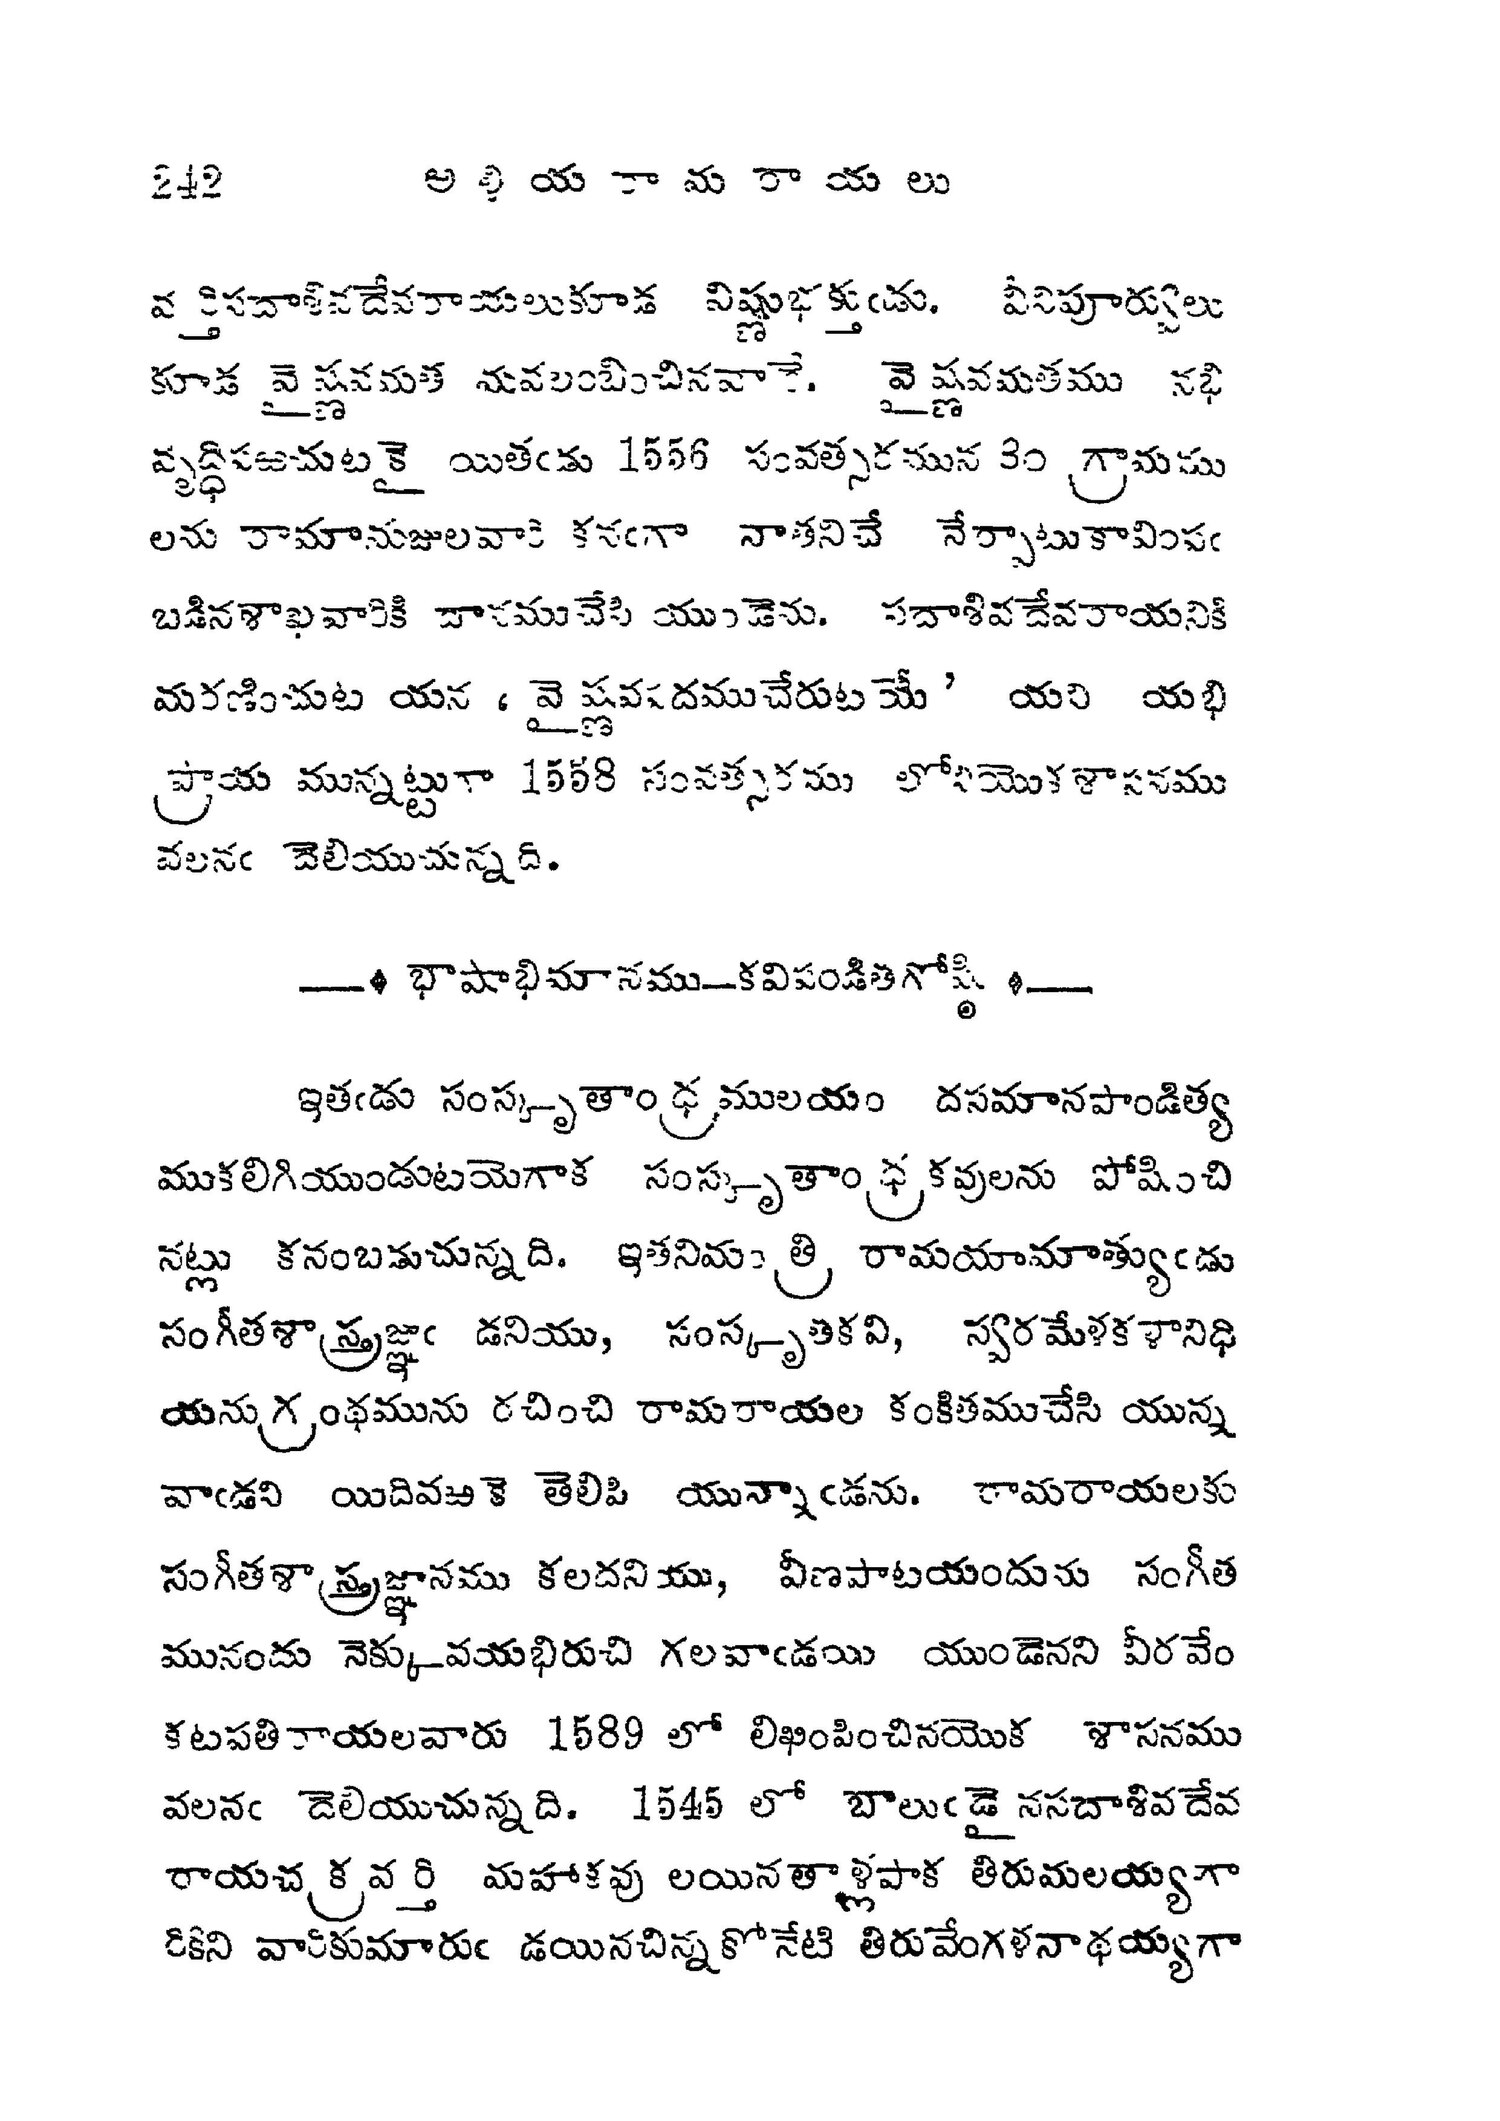వర్తి సదాశివదేవరాయలుకూడ విష్ణుభక్తుడు. వీనిపూర్వులుకూడ వైష్ణవమత మవలంబించినవారే. వైష్ణవమతము నభివృద్ధిపఱచుటకై యితడు 1556 సంవత్సరమున 30 గ్రామములను రామానుజులవారి కనగా నాతనిచే నేర్పాటుకావింపబడినశాఖవారికి దానముచేసి యుండెను. సదాశివదేవరాయనికి మరణించుట యన 'వైష్ణవపదముచేరుటయే' యని యభిప్రాయ మున్నట్టుగా 1558 సంవత్సరము లోనియొకశాసనము వలన దెలియుచున్నది.

ఇతడు సంస్కృతాంధ్రములయం దసమానపాండిత్యముకలిగి యుండుటయెగాక సంస్కృతాంధ్రకవులను పోషించినట్లు కనంబడుచున్నది. ఇతనిమంత్రి రామయామాత్యుడు సంగీతశాస్త్రజ్ఞు డనియు, సంస్కృతకవి, స్వరమేళకళానిధి యనుగ్రంథమును రచించి రామరాయల కంకితముచేసి యున్నవాడని యిదివఱకె తెలిపి యున్నాడును. రామరాయలకు సంగీతశాస్త్రజ్ఞానము కలదనియు, వీణపాట యందును సంగీతమునందు నెక్కువయభిరుచి గలవాడయి యుండెనని వీరవేంకటపతి రాయలవారు 1589 లో లిఖింపించినయొక శాసనము వలన దెలియుచున్నది. 1545 లో బాలుడైన సదాశివదేవరాయచక్రవర్తి మహాకవు లయిన తాళ్లపాక తిరుమలయ్యగారికిని వారికుమారు డయినచిన్నకోనేటి తిరువేంగళనాథయ్యగా